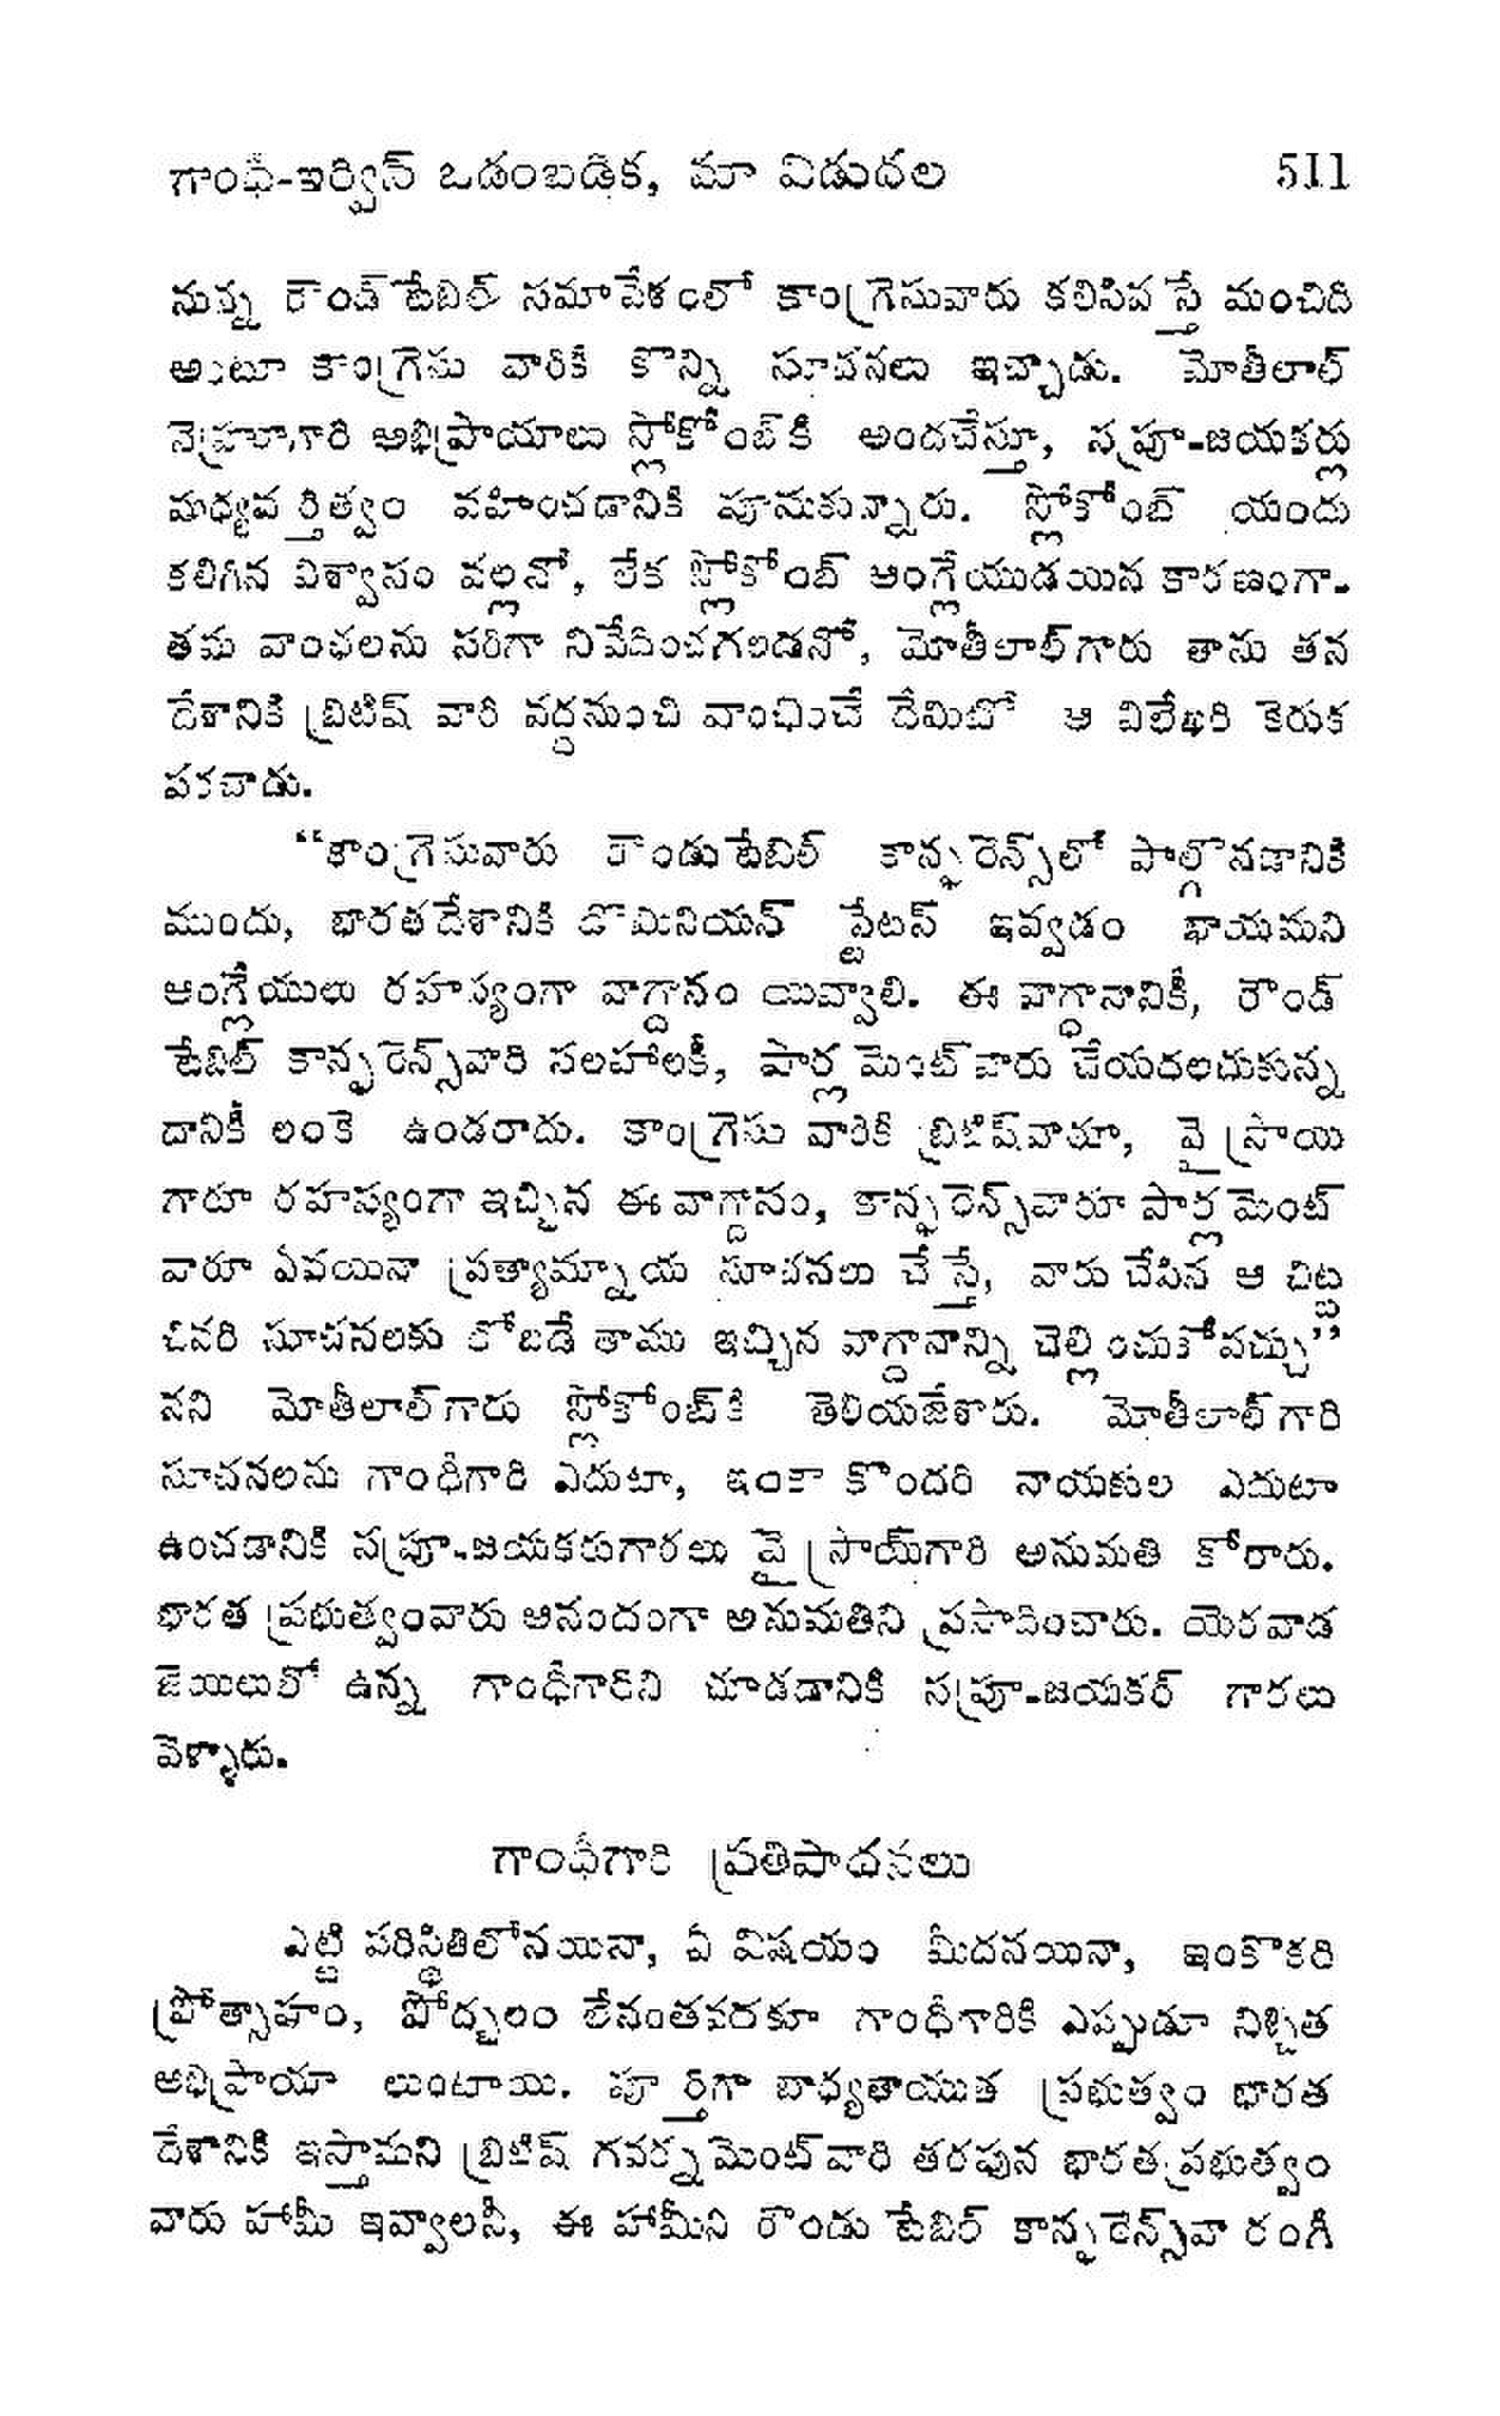నున్న రౌండ్‌టేబిల్ సమావేశంలో కాంగ్రెసువారు కలిసివస్తే మంచిది అంటూ కాంగ్రెసు వారికి కొన్ని సూచనలు ఇచ్చాడు. మోతీలాల్‌నెహ్రూగారి అభిప్రాయాలు స్లోకోంబ్‌కి అందచేస్తూ, సప్రూ - జయకర్లు మధ్యవర్తిత్వం వహించడానికి పూనుకున్నారు. స్లోకోంబ్‌ యందు కలిగిన విశ్వాసం వల్లనో, లేక స్లోకోంబ్ ఆంగ్లేయుడయిన కారణంగా - తమ వాంఛలను సరిగా నివేదించ గలడనో, మోతీలాల్‌గారు తాను తన దేశానికి బ్రిటిష్ వారి వద్దనుంచి వాంఛించే దేమిటో ఆ విలేఖరి కెరుక పరచాడు

"కాంగ్రెసువారు రౌండుటేబిల్ కాన్ఫరెన్స్‌లో పాల్గొనడానికి ముందు, భారతదేశానికి డొమినియన్ స్టేటస్ ఇవ్వడం ఖాయమని ఆంగ్లేయులు రహస్యంగా వాగ్దానం యివ్వాలి. ఈ వాగ్దానానికీ, రౌండ్ టేబిల కాన్ఫరెన్స్‌వారి సలహాలకీ, పార్లమెంట్‌వారు చేయదలచు కున్నదానికీ లంకె ఉండరాదు. కాంగ్రెసు వారికి బ్రిటిష్‌వారూ, వైస్రాయిగారూ రహస్యంగా ఇచ్చిన ఈ వాగ్దానం, కాన్ఫరెన్స్‌వారూ పార్లమెంట్ వారూ ఏవయినా ప్రత్యామ్నాయ సూచనలు చేస్తే, వారు చేసిన ఆ చిట్ట చివరి సూచనలకు లోబడే తాము ఇచ్చిన వాగ్దానాన్ని చెల్లించుకోవచ్చు"నని మోతీలాల్‌గారు స్లోకోంబ్‌కి తెలియజేశారు. మోతీలాల్ గారి సూచనలను గాంధీగారి ఎదుటా, ఇంకా కొందరి నాయకుల ఎదుటా ఉంచడానికి సప్రూ - జయకరుగారలు వైస్తాయ్‌గారి అనుమతి కోరారు. భారత ప్రభుత్వంవారు ఆనందంగా అనుమతిని ప్రసాదించారు. యెరవాడ జెయిలులో ఉన్న గాంధీగారిని చూడడానికి సప్రూ - జయకర్ గారలు వెళ్ళారు.

ఎట్టి పరిస్థితిలోనయినా, ఏ విషయం మీదయినా, ఇంకొకరి ప్రోత్సాహం, పోద్బలం లేనంతవరకూ గాంధీగారికి ఎప్పుడూ నిశ్చిత అభిప్రాయా లుంటాయి. పూర్తిగా బాధ్యతాయుత ప్రభుత్వం భారత దేశానికి ఇస్తామని బ్రిటిష్ గవర్నమెంట్‌వారి తరపున భారతప్రభుత్వం వారు హామీ ఇవ్వాలనీ, ఈ హామీని రౌండు టేబిల్ కాన్ఫరెన్స్‌వా రంగీ